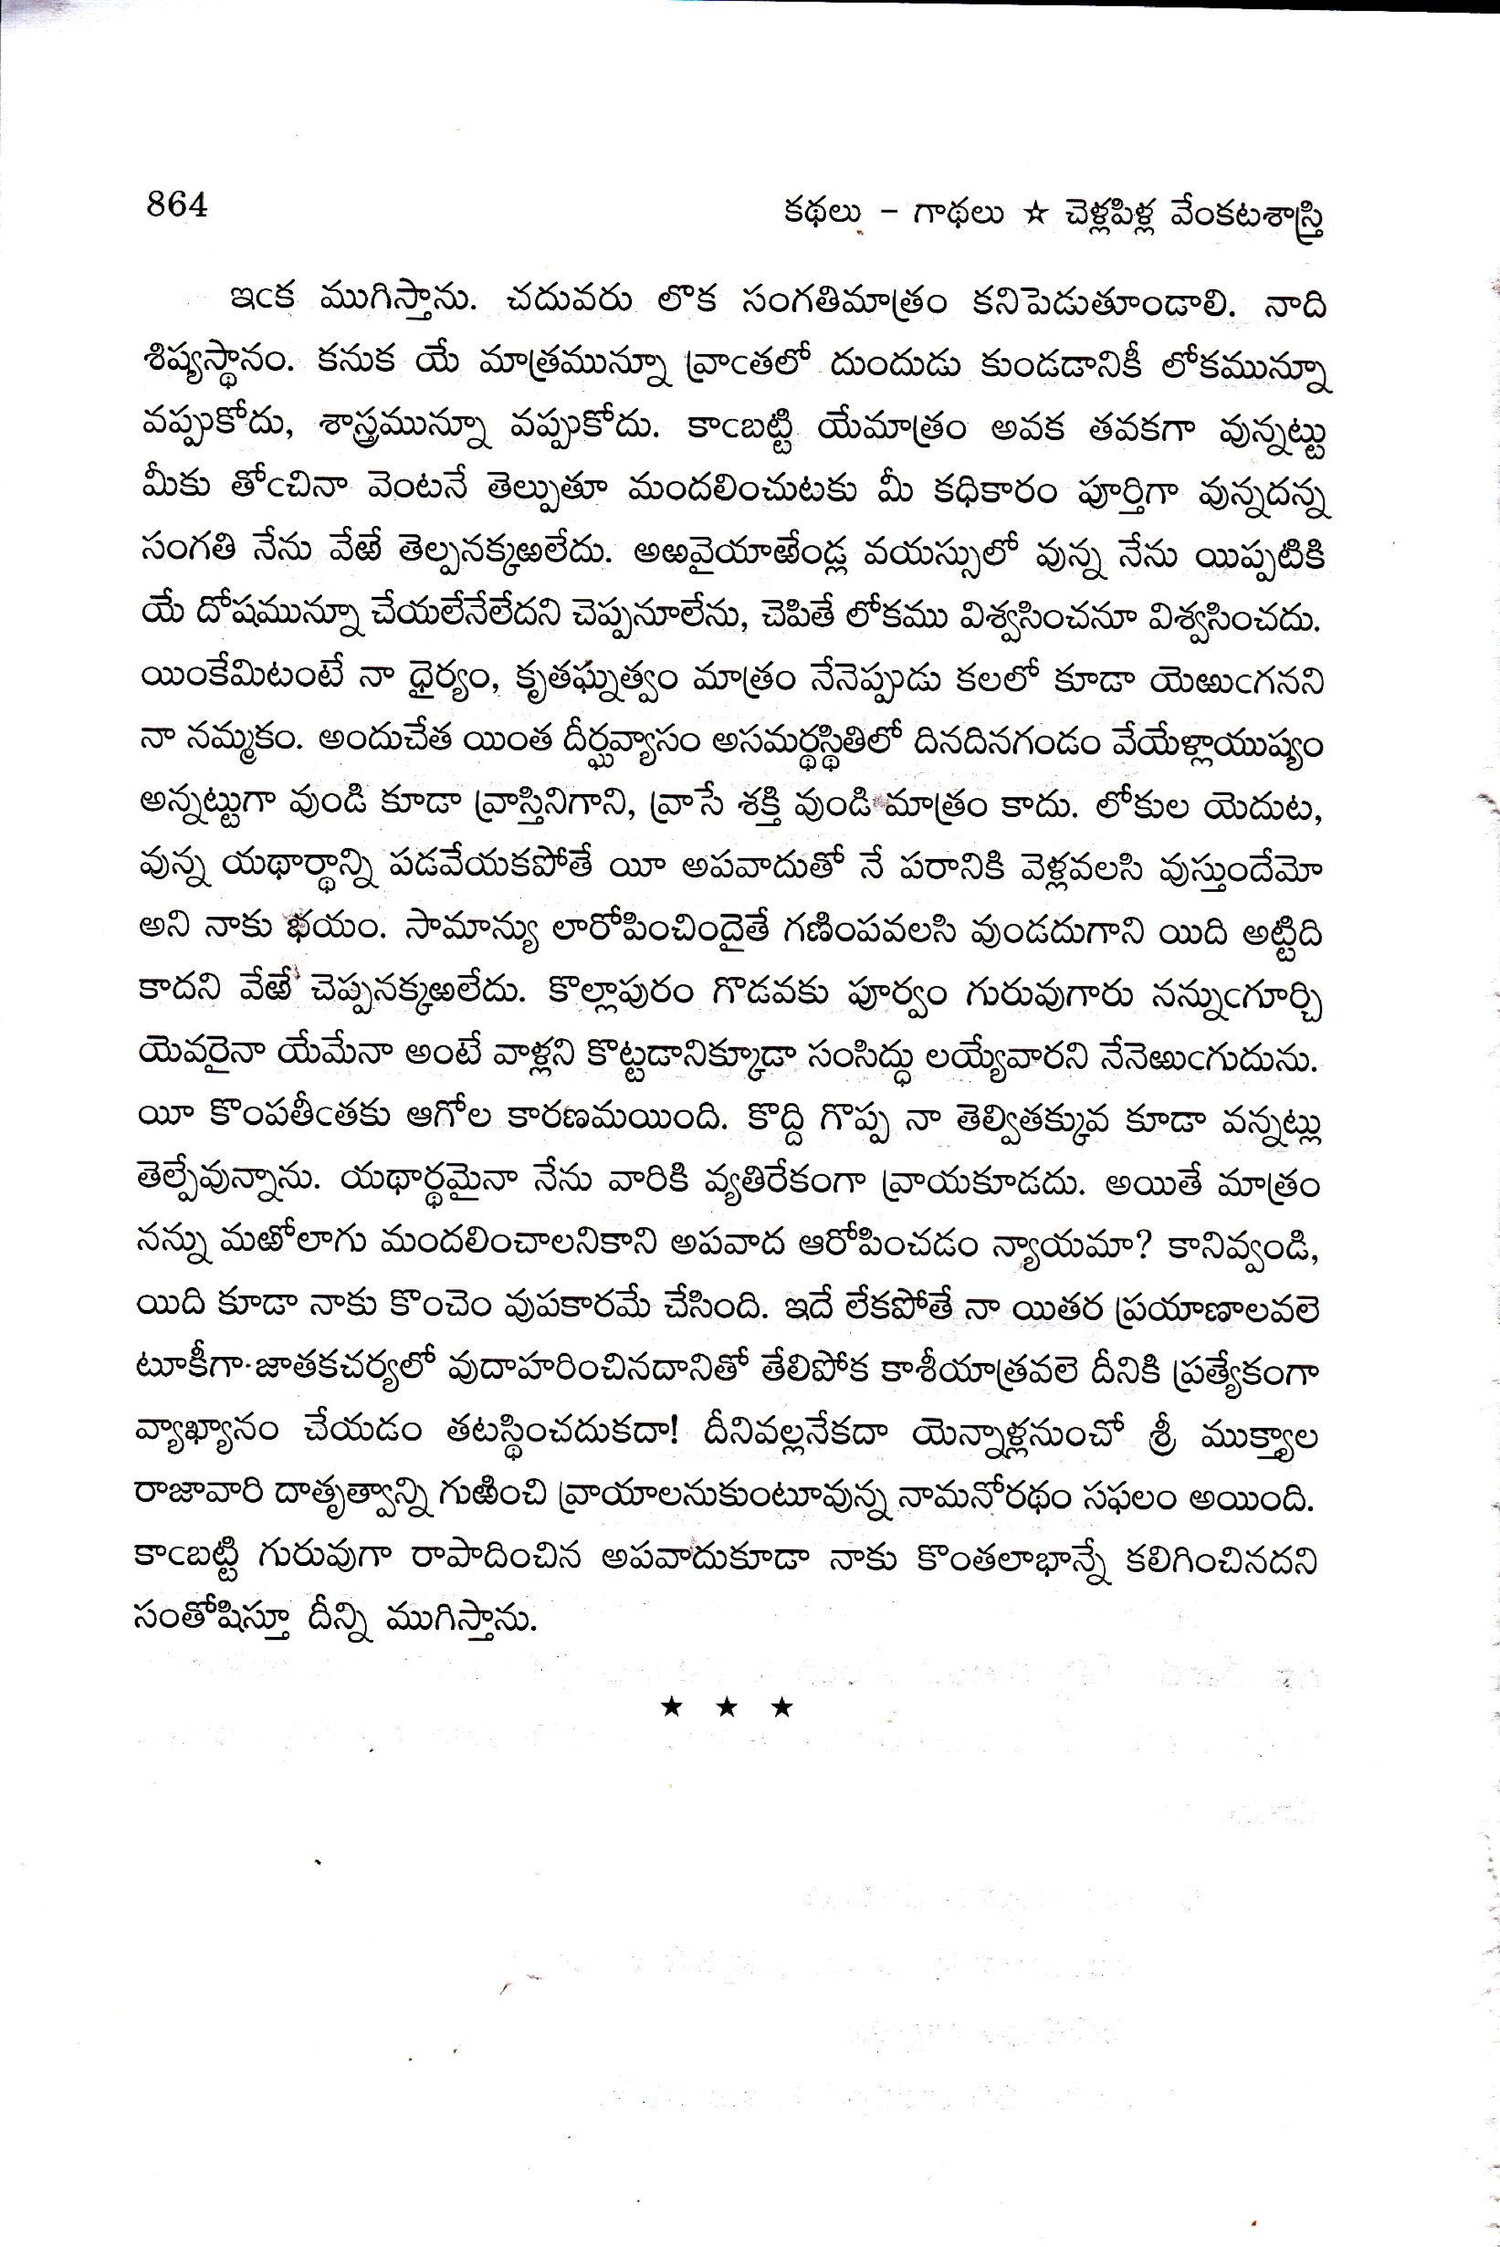ఇఁక ముగిస్తాను. చదువరు లొక సంగతిమాత్రం కనిపెడుతూండాలి. నాది శిష్యస్థానం. కనుక యే మాత్రమున్నూ వ్రాఁతలో దుందుడు కుండడానికీ లోకమున్నూ వప్పుకోదు, శాస్త్రమున్నూ వప్పుకోదు. కాఁబట్టి యేమాత్రం అవక తవకగా వున్నట్టు మీకు తోఁచినా వెంటనే తెల్పుతూ మందలించుటకు మీ కధికారం పూర్తిగా వున్నదన్న సంగతి నేను వేఱే తెల్పనక్కఱలేదు. అఱవైయాఱేండ్ల వయస్సులో వున్న నేను యిప్పటికి యే దోషమున్నూ చేయలేనేలేదని చెప్పనూలేను, చెపితే లోకము విశ్వసించనూ విశ్వసించదు. యింకేమిటంటే నా ధైర్యం, కృతఘ్నత్వం మాత్రం నేనెప్పుడు కలలో కూడా యెఱుఁగనని నా నమ్మకం. అందుచేత యింత దీర్ఘవ్యాసం అసమర్థస్థితిలో దినదినగండం వేయేళ్లాయుష్యం అన్నట్టుగా వుండి కూడా వ్రాస్తినిగాని, వ్రాసే శక్తి వుండి మాత్రం కాదు. లోకుల యెదుట, వున్న యథార్థాన్ని పడవేయకపోతే యీ అపవాదుతో నే పరానికి వెళ్లవలసి వస్తుందేమో అని నాకు భయం. సామాన్యు లారోపించిందైతే గణింపవలసి వుండదుగాని యిది అట్టిది కాదని వేఱే చెప్పనక్కఱలేదు. కొల్లాపురం గొడవకు పూర్వం గురువుగారు నన్నుఁగూర్చి యెవరైనా యేమేనా అంటే వాళ్లని కొట్టడానిక్కూడా సంసిద్దు లయ్యేవారని నేనెఱుఁగుదును. యీ కొంపతీఁతకు ఆగోల కారణమయింది. కొద్ది గొప్ప నా తెల్వితక్కువ కూడా వున్నట్లు తెల్పేవున్నాను. యథార్థమైనా నేను వారికి వ్యతిరేకంగా వ్రాయకూడదు. అయితే మాత్రం నన్ను మఱోలాగు మందలించాలనికాని అపవాద ఆరోపించడం న్యాయమా? కానివ్వండి, యిది కూడా నాకు కొంచెం వుపకారమే చేసింది. ఇదే లేకపోతే నా యితర ప్రయాణాలవలె టూకీగా జాతకచర్యలో వుదాహరించినదానితో తేలిపోక కాశీయాత్రవలె దీనికి ప్రత్యేకంగా వ్యాఖ్యానం చేయడం తటస్థించదుకదా! దీనివల్లనేకదా యెన్నాళ్లనుంచో శ్రీ ముక్త్యాల రాజావారి దాతృత్వాన్ని గుఱించి వ్రాయాలనుకుంటూవున్న నామనోరథం సఫలం అయింది. కాఁబట్టి గురువుగా రాపాదించిన అపవాదుకూడా నాకు కొంతలాభాన్నే కలిగించినదని సంతోషిస్తూ దీన్ని ముగిస్తాను.